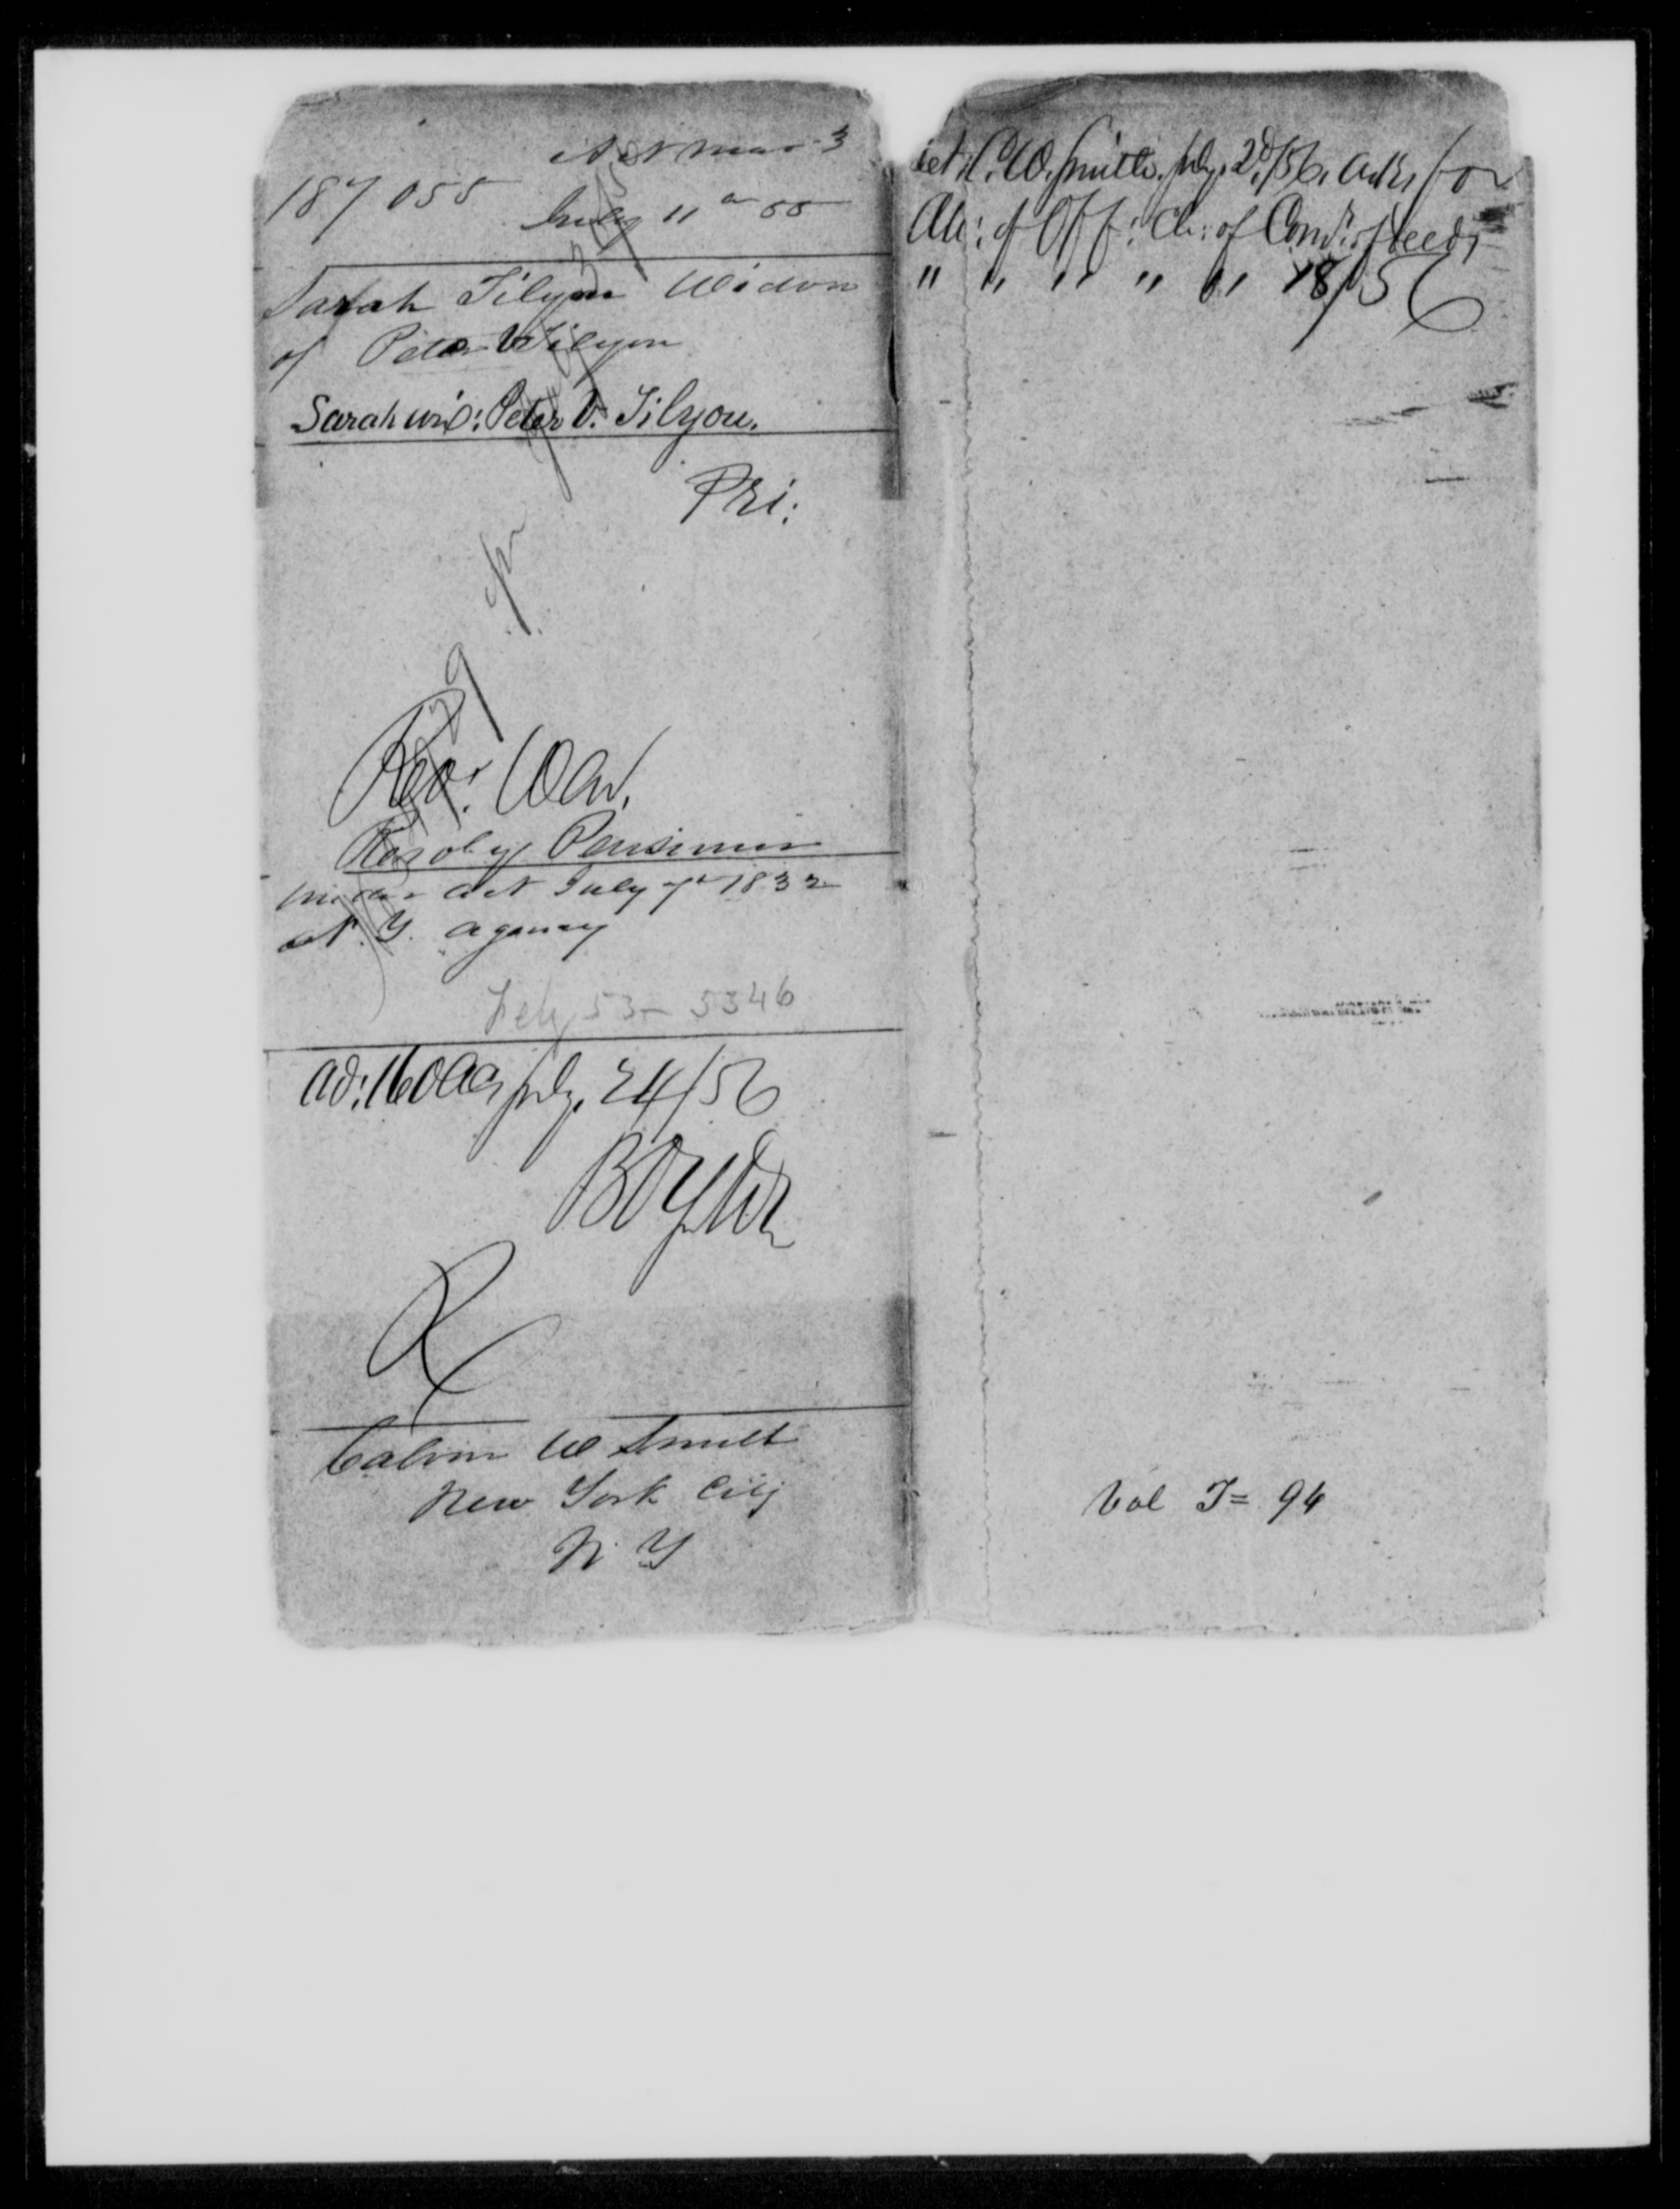187055  A N Mar 3
 July 11 55
Sarah Tilyou  widow of Peter V Tilyou
 Sarah wid: Peter V. Tilyou.
  Pri:

Rev. War.
Revol.y Pensioner
? Act July 7th 1832
N.Y. agency
  Feby 53 - 5346
Ad: 160 acr  July 24/56
 Boynton

R
Calvin W Smith
New York City  N.Y.

C.O. Smith July 2/56 [Ads?] for
 Al?: of off: ch: of Comr of Deeds
"        "      18/56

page: 4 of 101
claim: widow's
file: W. 25481, for Peter V Tilyou, New Jersey